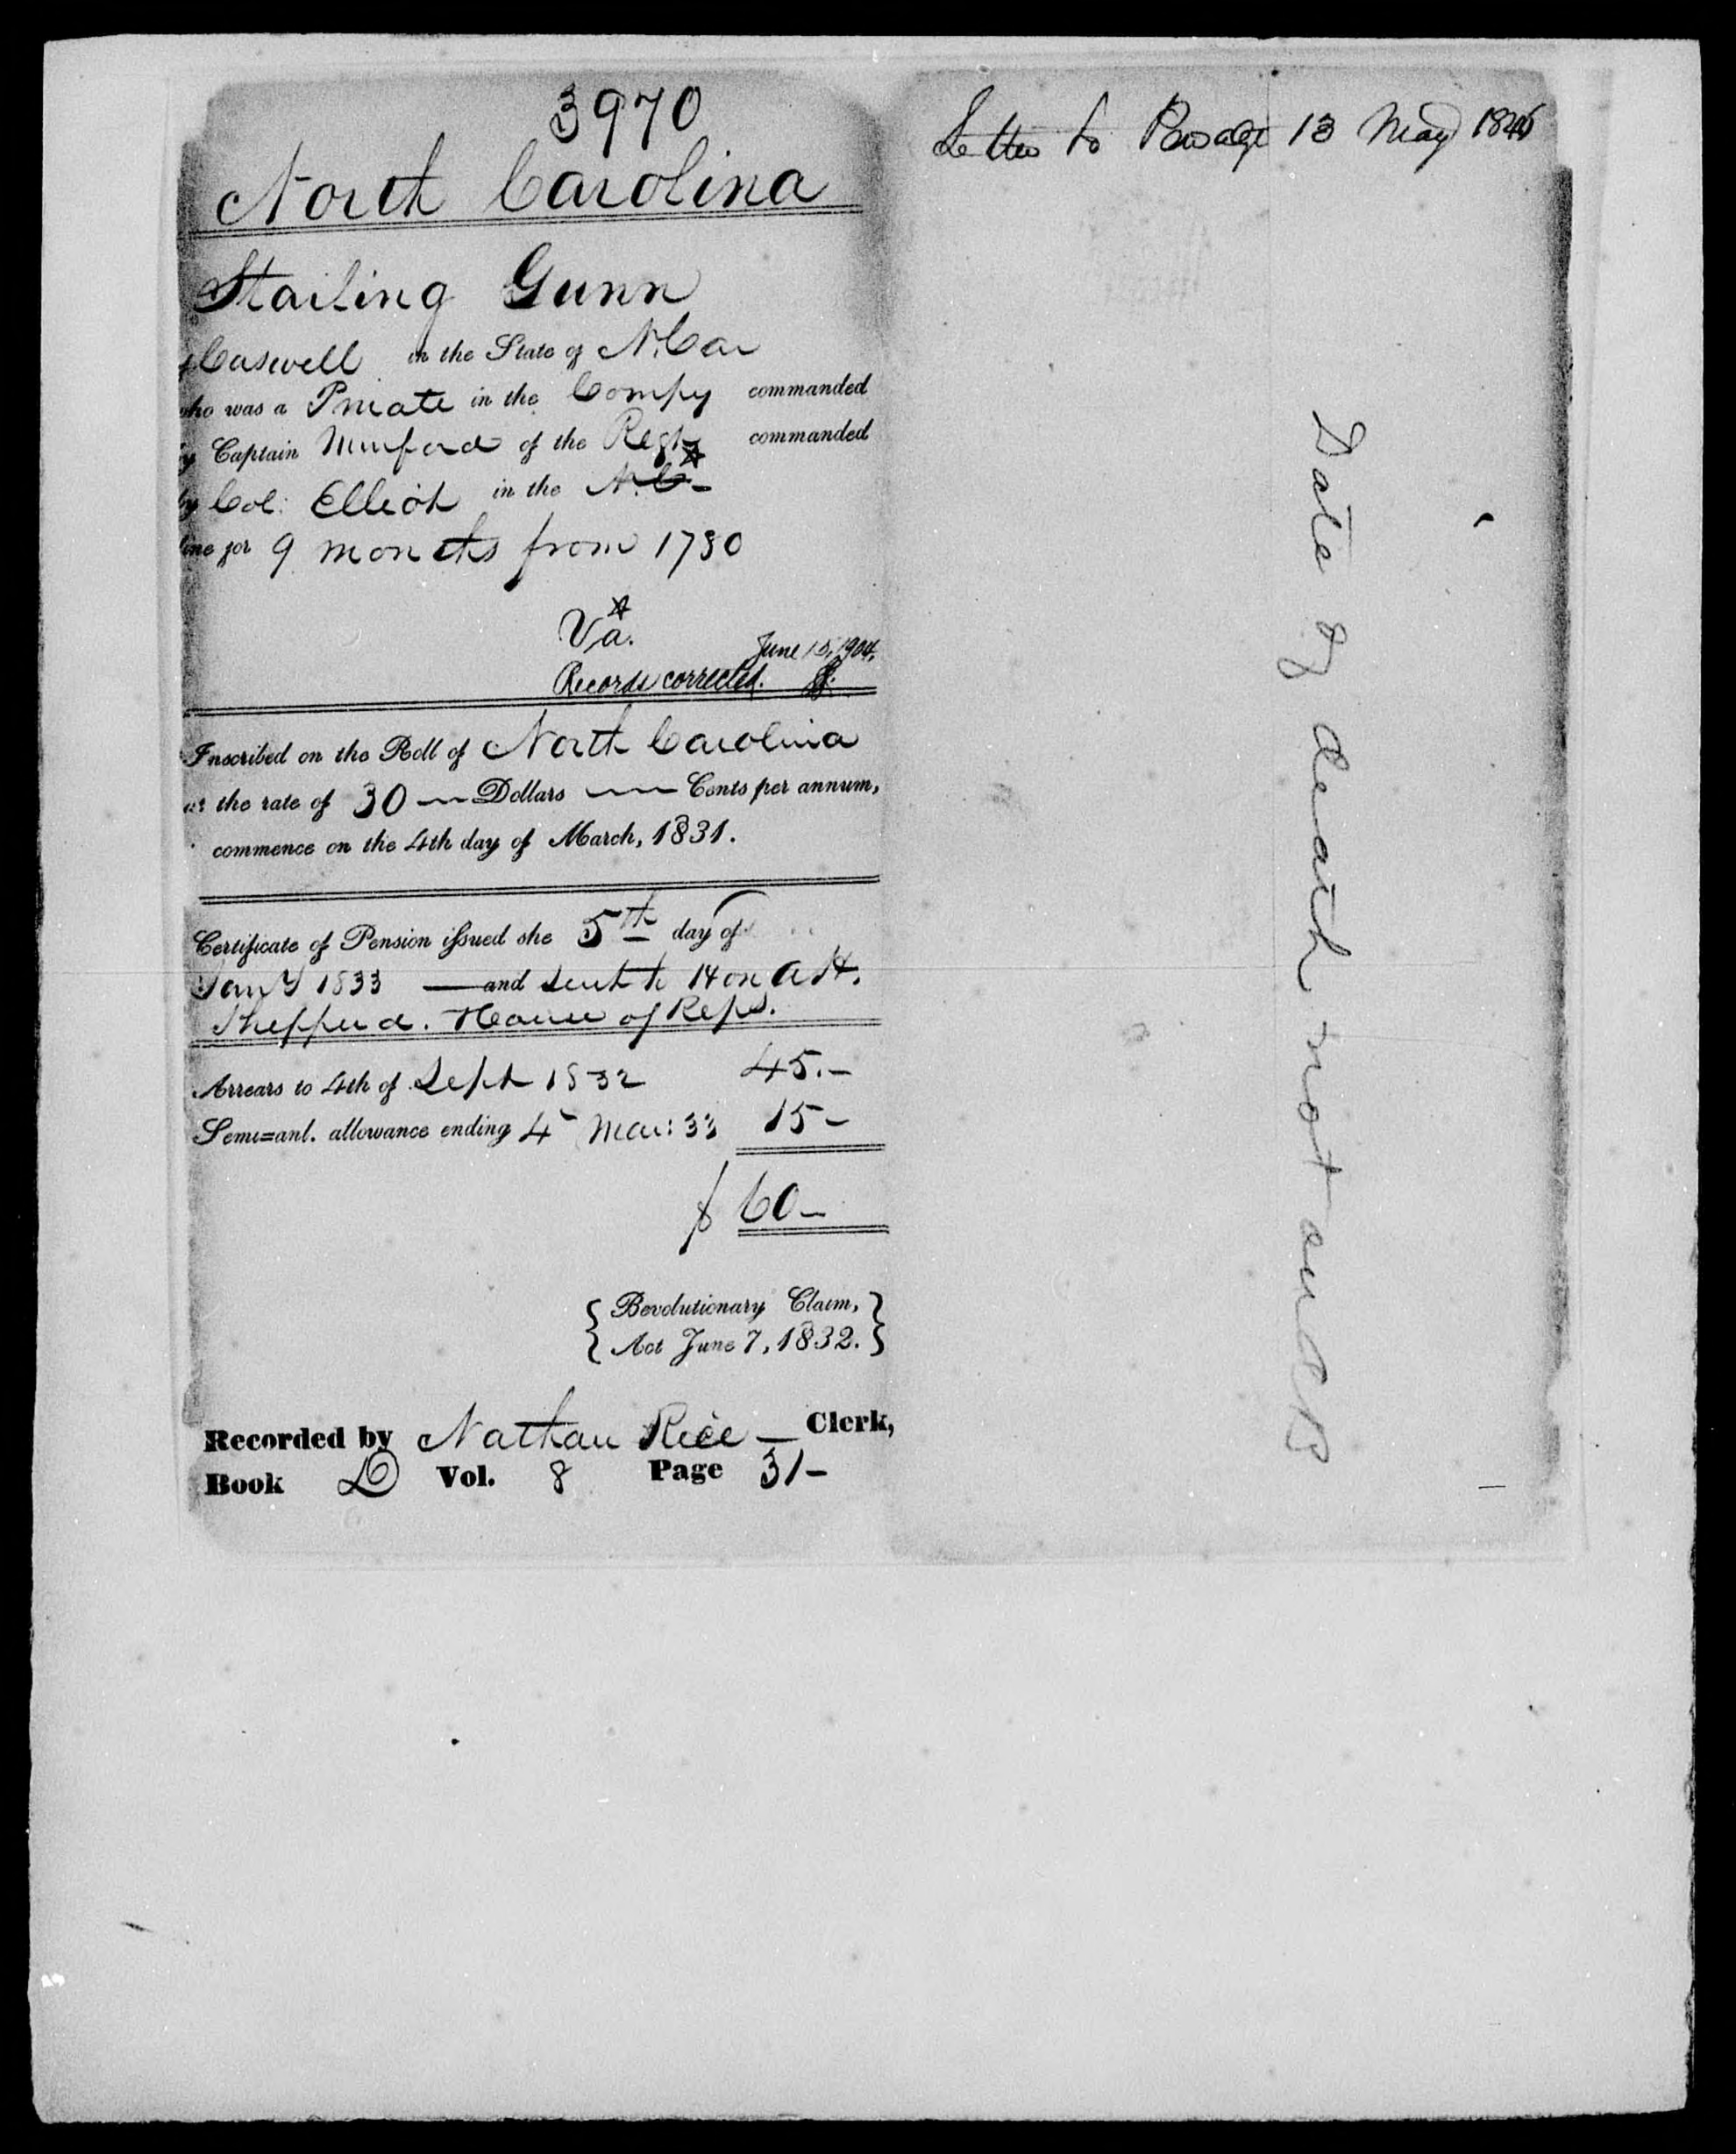3970
North Carolina
Starling Gunn
of Caswell in the State of N. Car who was a Private in the Compy commanded by Captain Milford of the Regt commanded by Col: Elliot in * line for 9 months from 1730 
* Va  
Records corrected. June 15, 1904

Inscribed on the Roll of North Carolina at the rate of 30 Dollars — Cents per annum, [to] commence on the 4th day of March, 1831.

Certificate of Pension issued the 5th day of Jany 1833 and sent to Hon A.H. Shepperd.  House of Reps.

Arrears to 4th of Sept 1832  45.–
Semi-and. allowance ending 4 Mar: 33  15–
$60–
{Revolutionary Claim, Act June 7, 1832.}
Recorded by Nathan Rice Clerk,
Book D  Vol. 8  Page 31-

Letter to Pen agt 19 May 1846

Date of death not on AB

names: A H Shepperd, Starling Gunn, Mumford, Nathan Rice, Elliot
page: 2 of 58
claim: survivor's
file: S. 6,941, Starling Gunn, Continental Va.